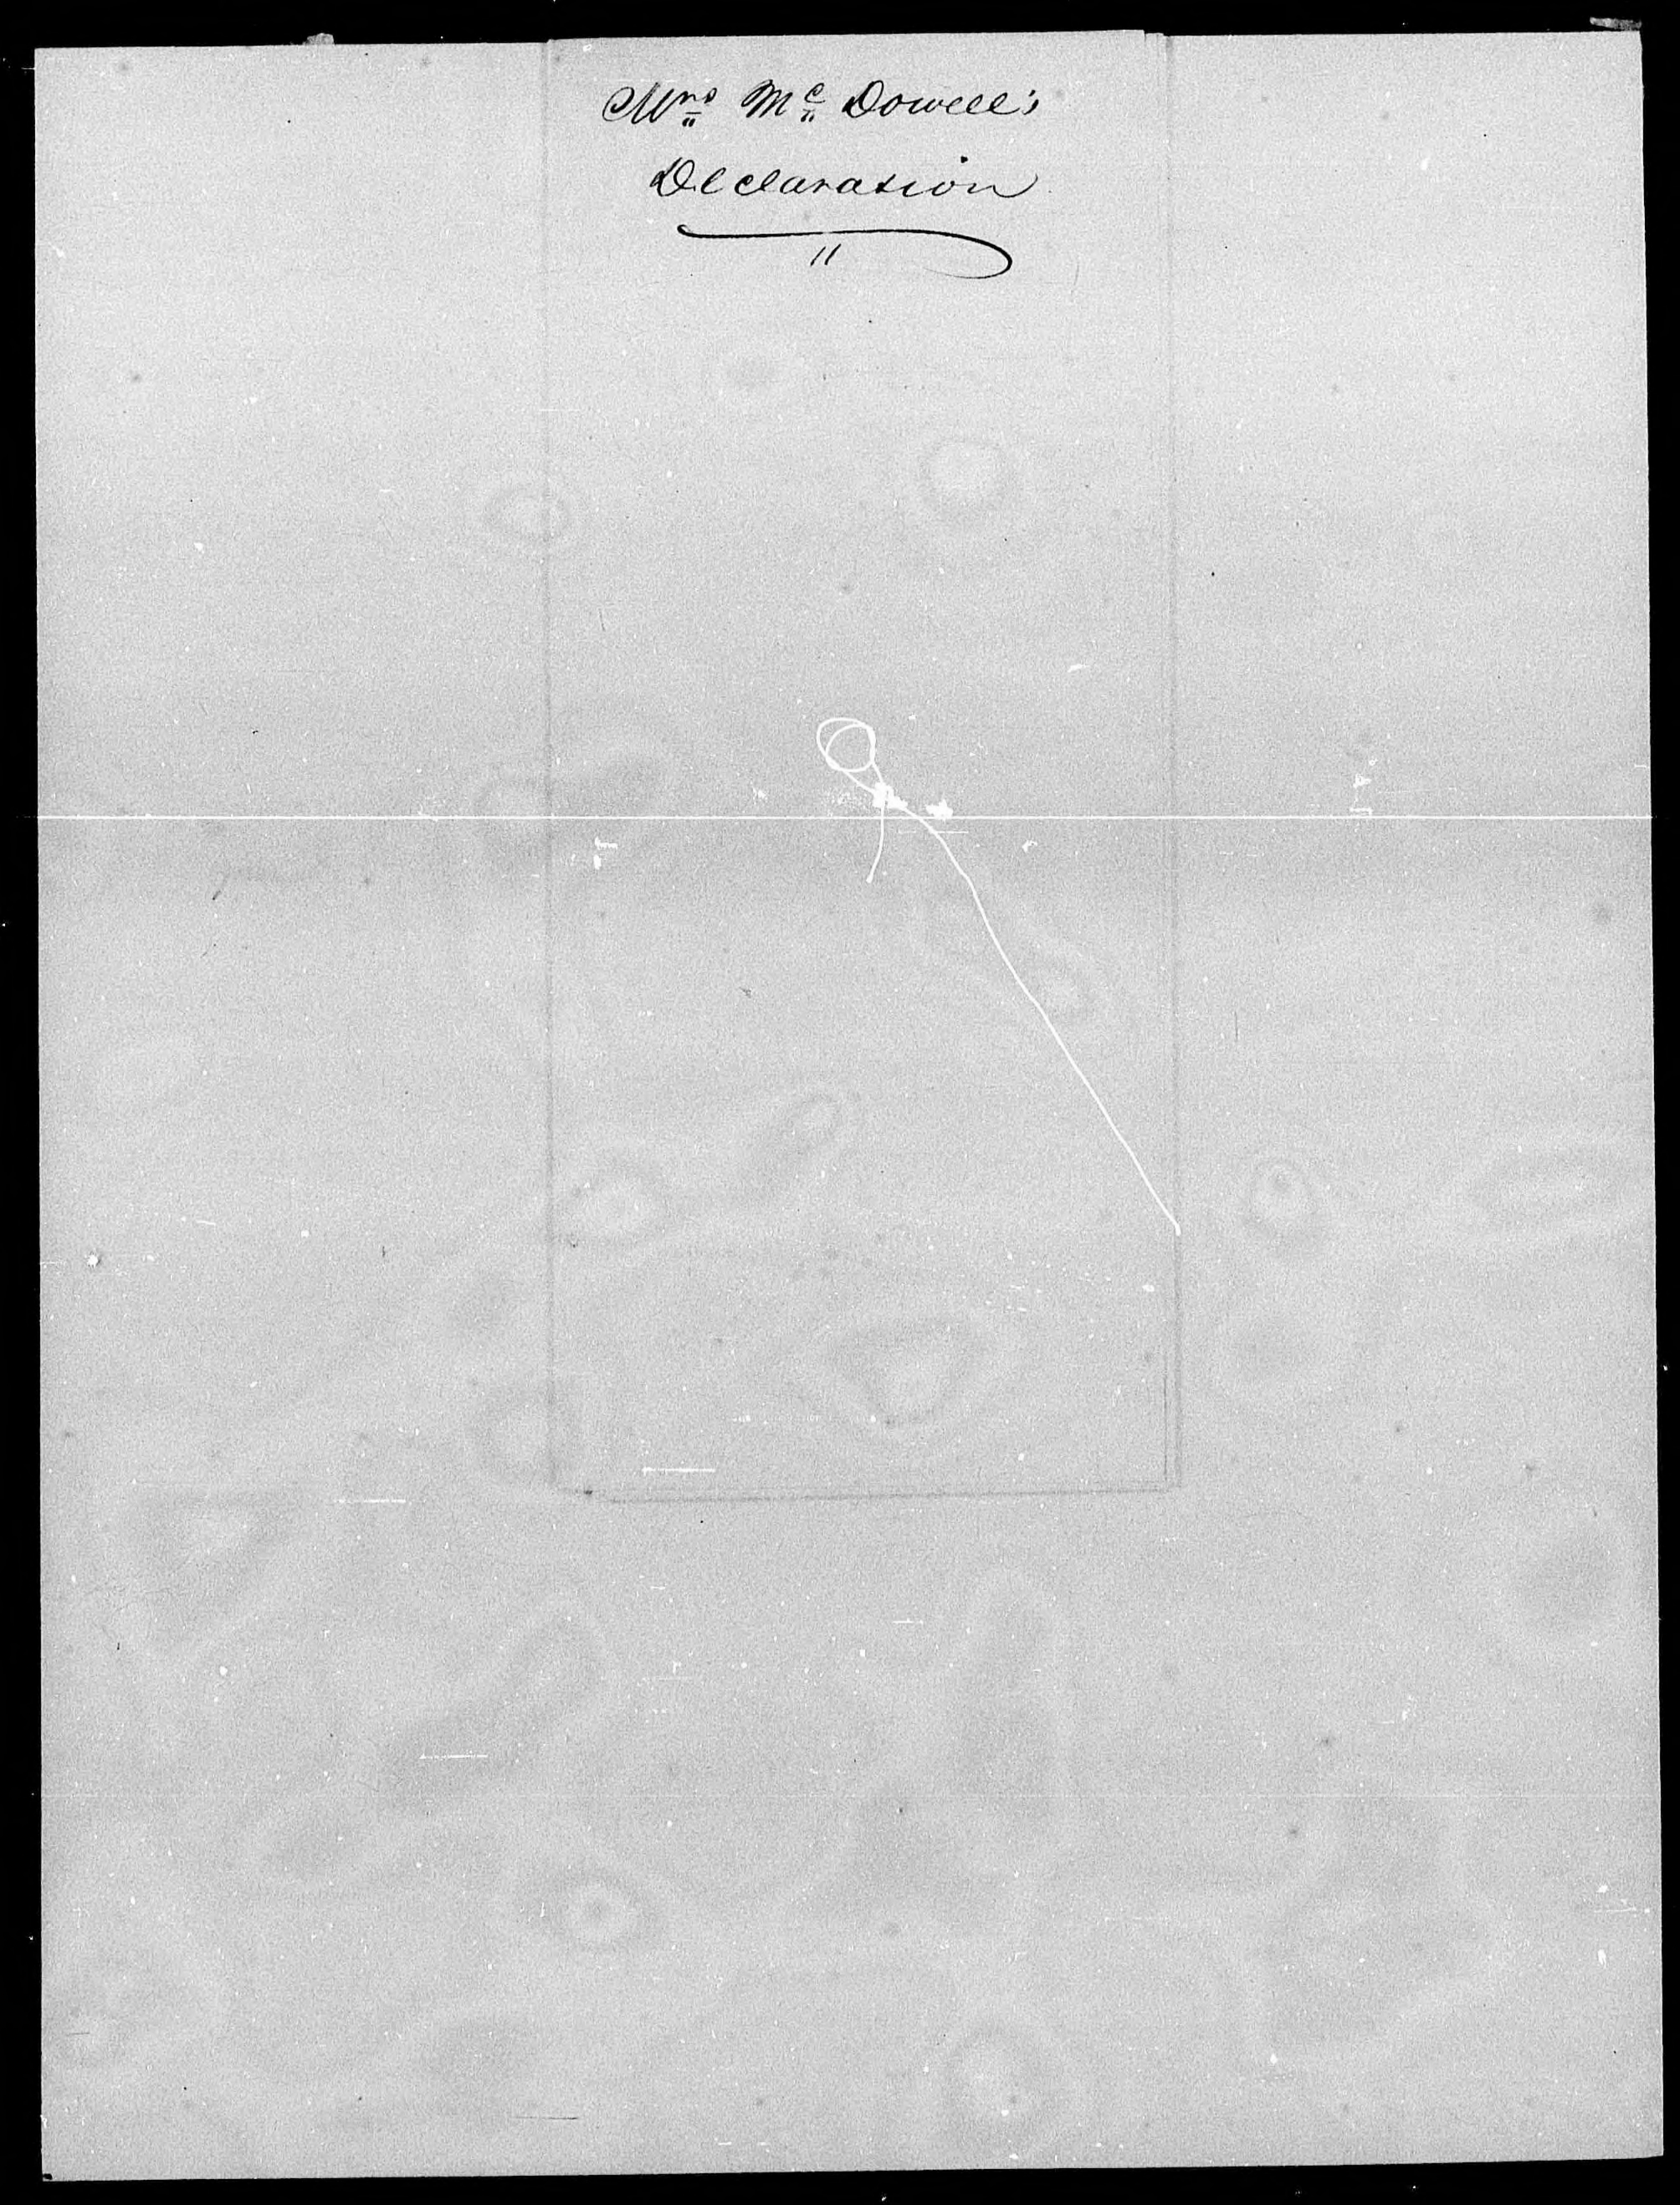Mrs. McDowell;
Declaration
______________
           "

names: [BLANK] Mc Dowell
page: 53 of 63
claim: widow's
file: W 2957, for Thomas Mc Dowell, Maryland